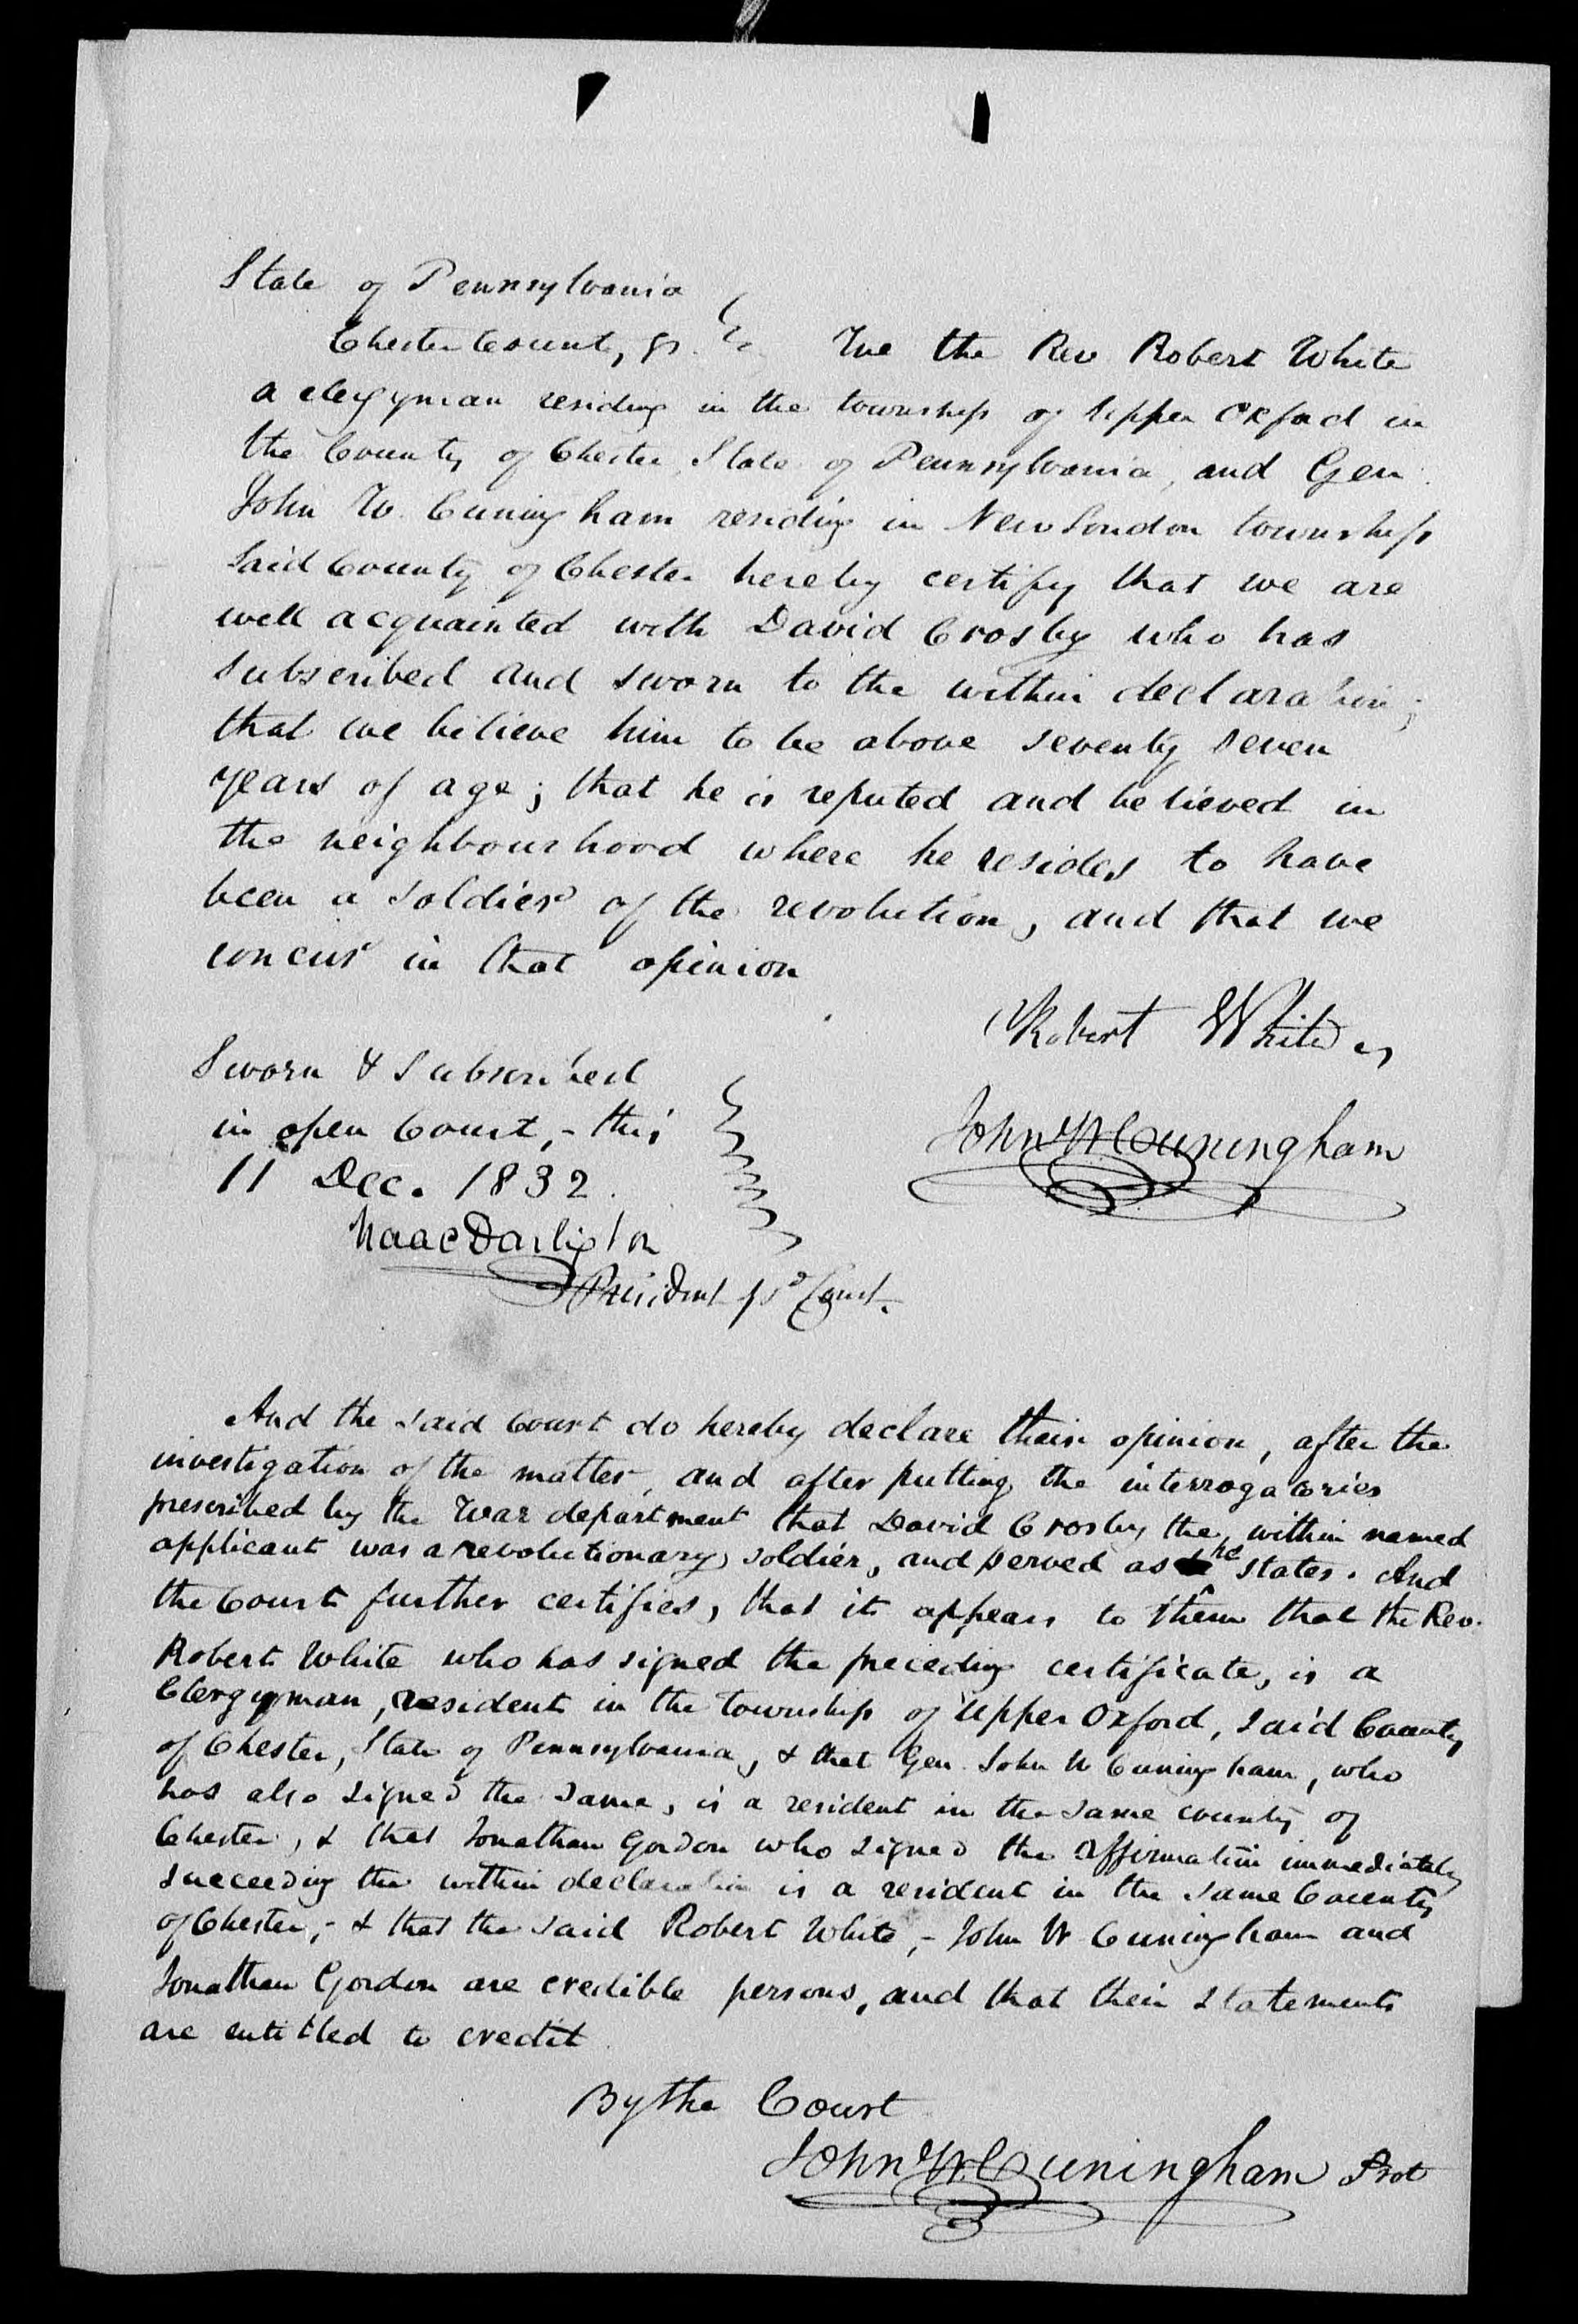State of Pennsylvania
Chester County, We the Rev Robert White
a clergyman residing in the township of Upper Oxford in
the County of Chester State of Pennsylvania, and Gen
John W. Cunningham residing in New London township
said County of Chester hereby certify that we are
well acquainted with David Crosby who has
Subscribed and sworn to the within declaration
that we believe him to be above seventy seven
years of age; that he is reputed and believed in
the neighbourhood where he resided to have
been a soldier of the revolution, and that we
concur in that opinion
Sworn & subscribed
in open Court, this
11 Dec. 1832
Robert White
John W Cunningham
[unreadable signature]
President of the Court
And the said Court do hereby declare their opinion, after the
investigation of the matter, and after putting the interrogatories
prescribed by the war department that David Crosby the within named
applicant was a revolutionary soldier and served as he states. And
the Court further certifies, that it appears to them that the Rev
Robert White who has signed the preceding certificate, is a
Clergyman, resident in the township of Upper Oxford, said County
of Chester, State of Pennsylvania & that Gen. John W Cunningham, who
has also signed the same, is a resident in the same county of
Chester, & that Jonathan Gordon who signed the affirmation immediately
succeeding the within declaration is a resident in the same County
of Chester & that the said Robert White John W Cunningham and
Jonathan Gordon are credible persons, and that their statements
are entitled to credit
By the Court
John W. Cunningham Prot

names: John W Cuningham, Jonathan Gordon, John W Cuningham, Robert White, David Crosby, Jonathan Gordon, Robert White, Isaac Darligton, Robert White, John W Cuningham, John W Cuningham, Robert White, John W Cuningham, David Crosby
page: 9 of 19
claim: survivor's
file: S. 12626, David Crosby, Penn.